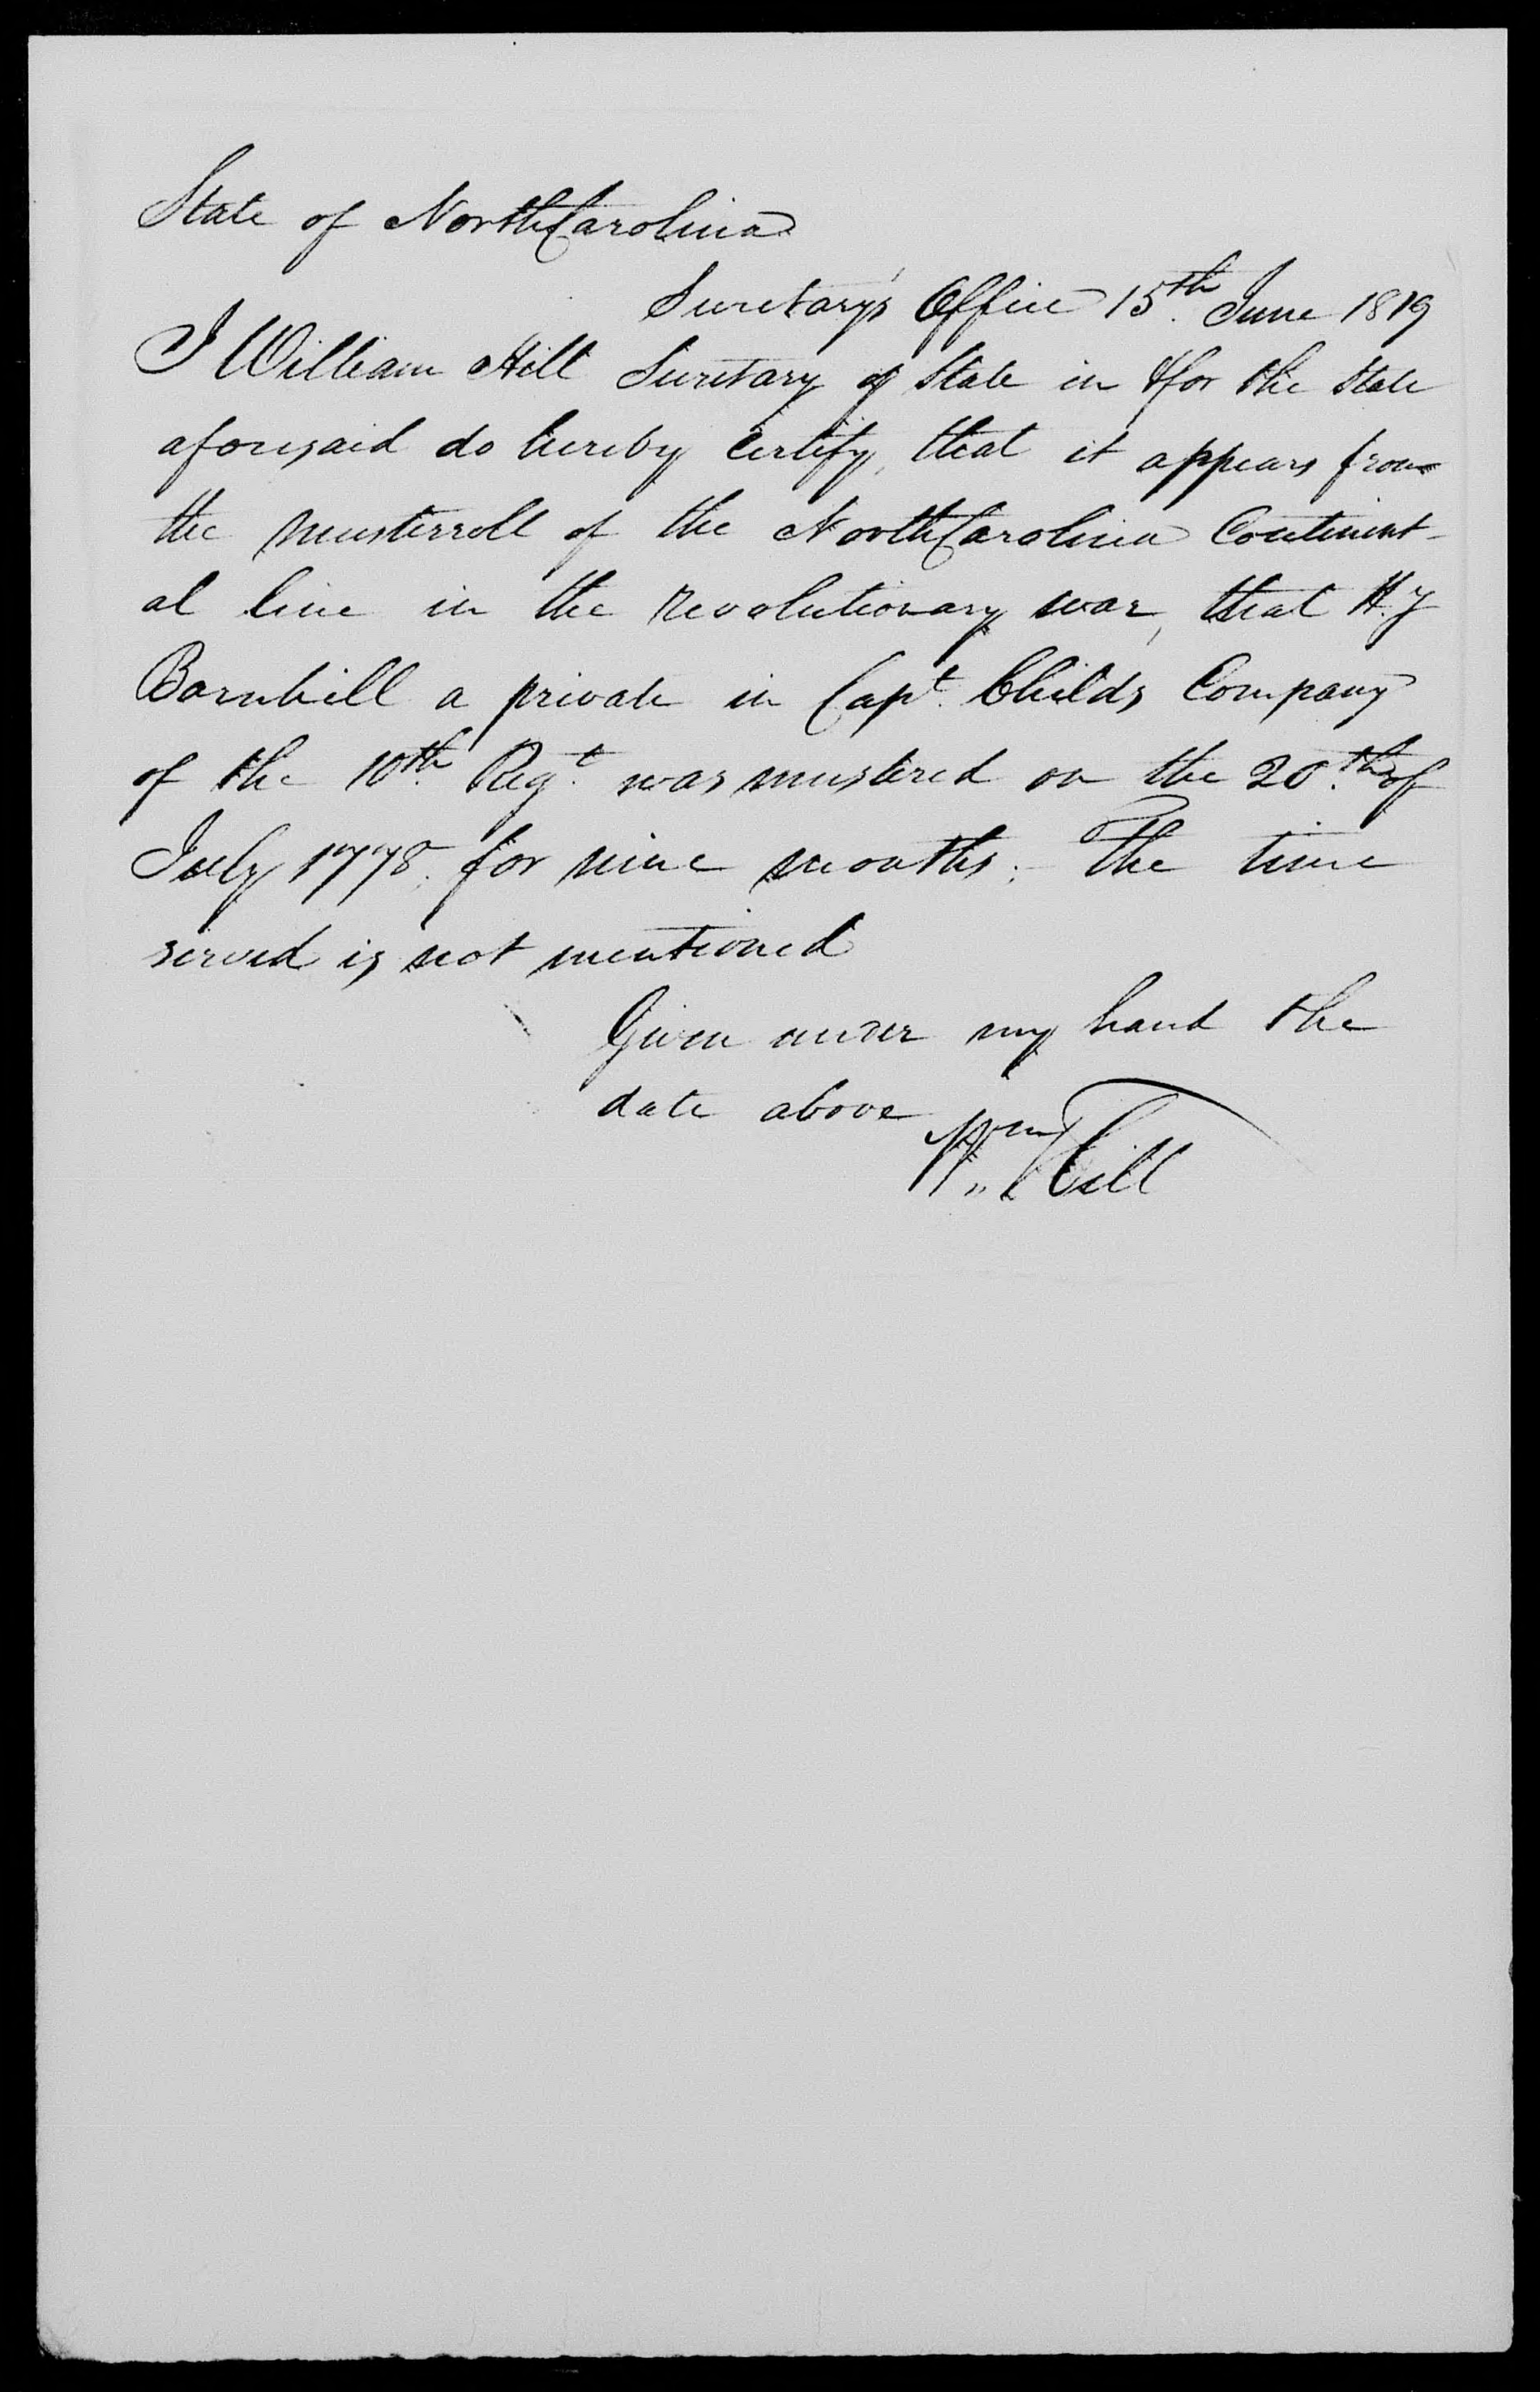State of North Carolina
Secretary's Office 15th June 1819
I William Hill Secretary of State in & for the State aforesaid do hereby certify that it appears from the musterroll of the North Carolina Continental line in the revolutionary war, that Hy Barnhill a private in Capt. Childs Company of the 10th Regt. was mustered on the 20th of July 1778 for nine months: the time served is not mentioned

Given under my hand the date above
S/Wm Hill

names: Wm Hill, William Hill, Barnhill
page: 32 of 42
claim: survivor's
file: S. 6579, Henry Barnhill, N. C.